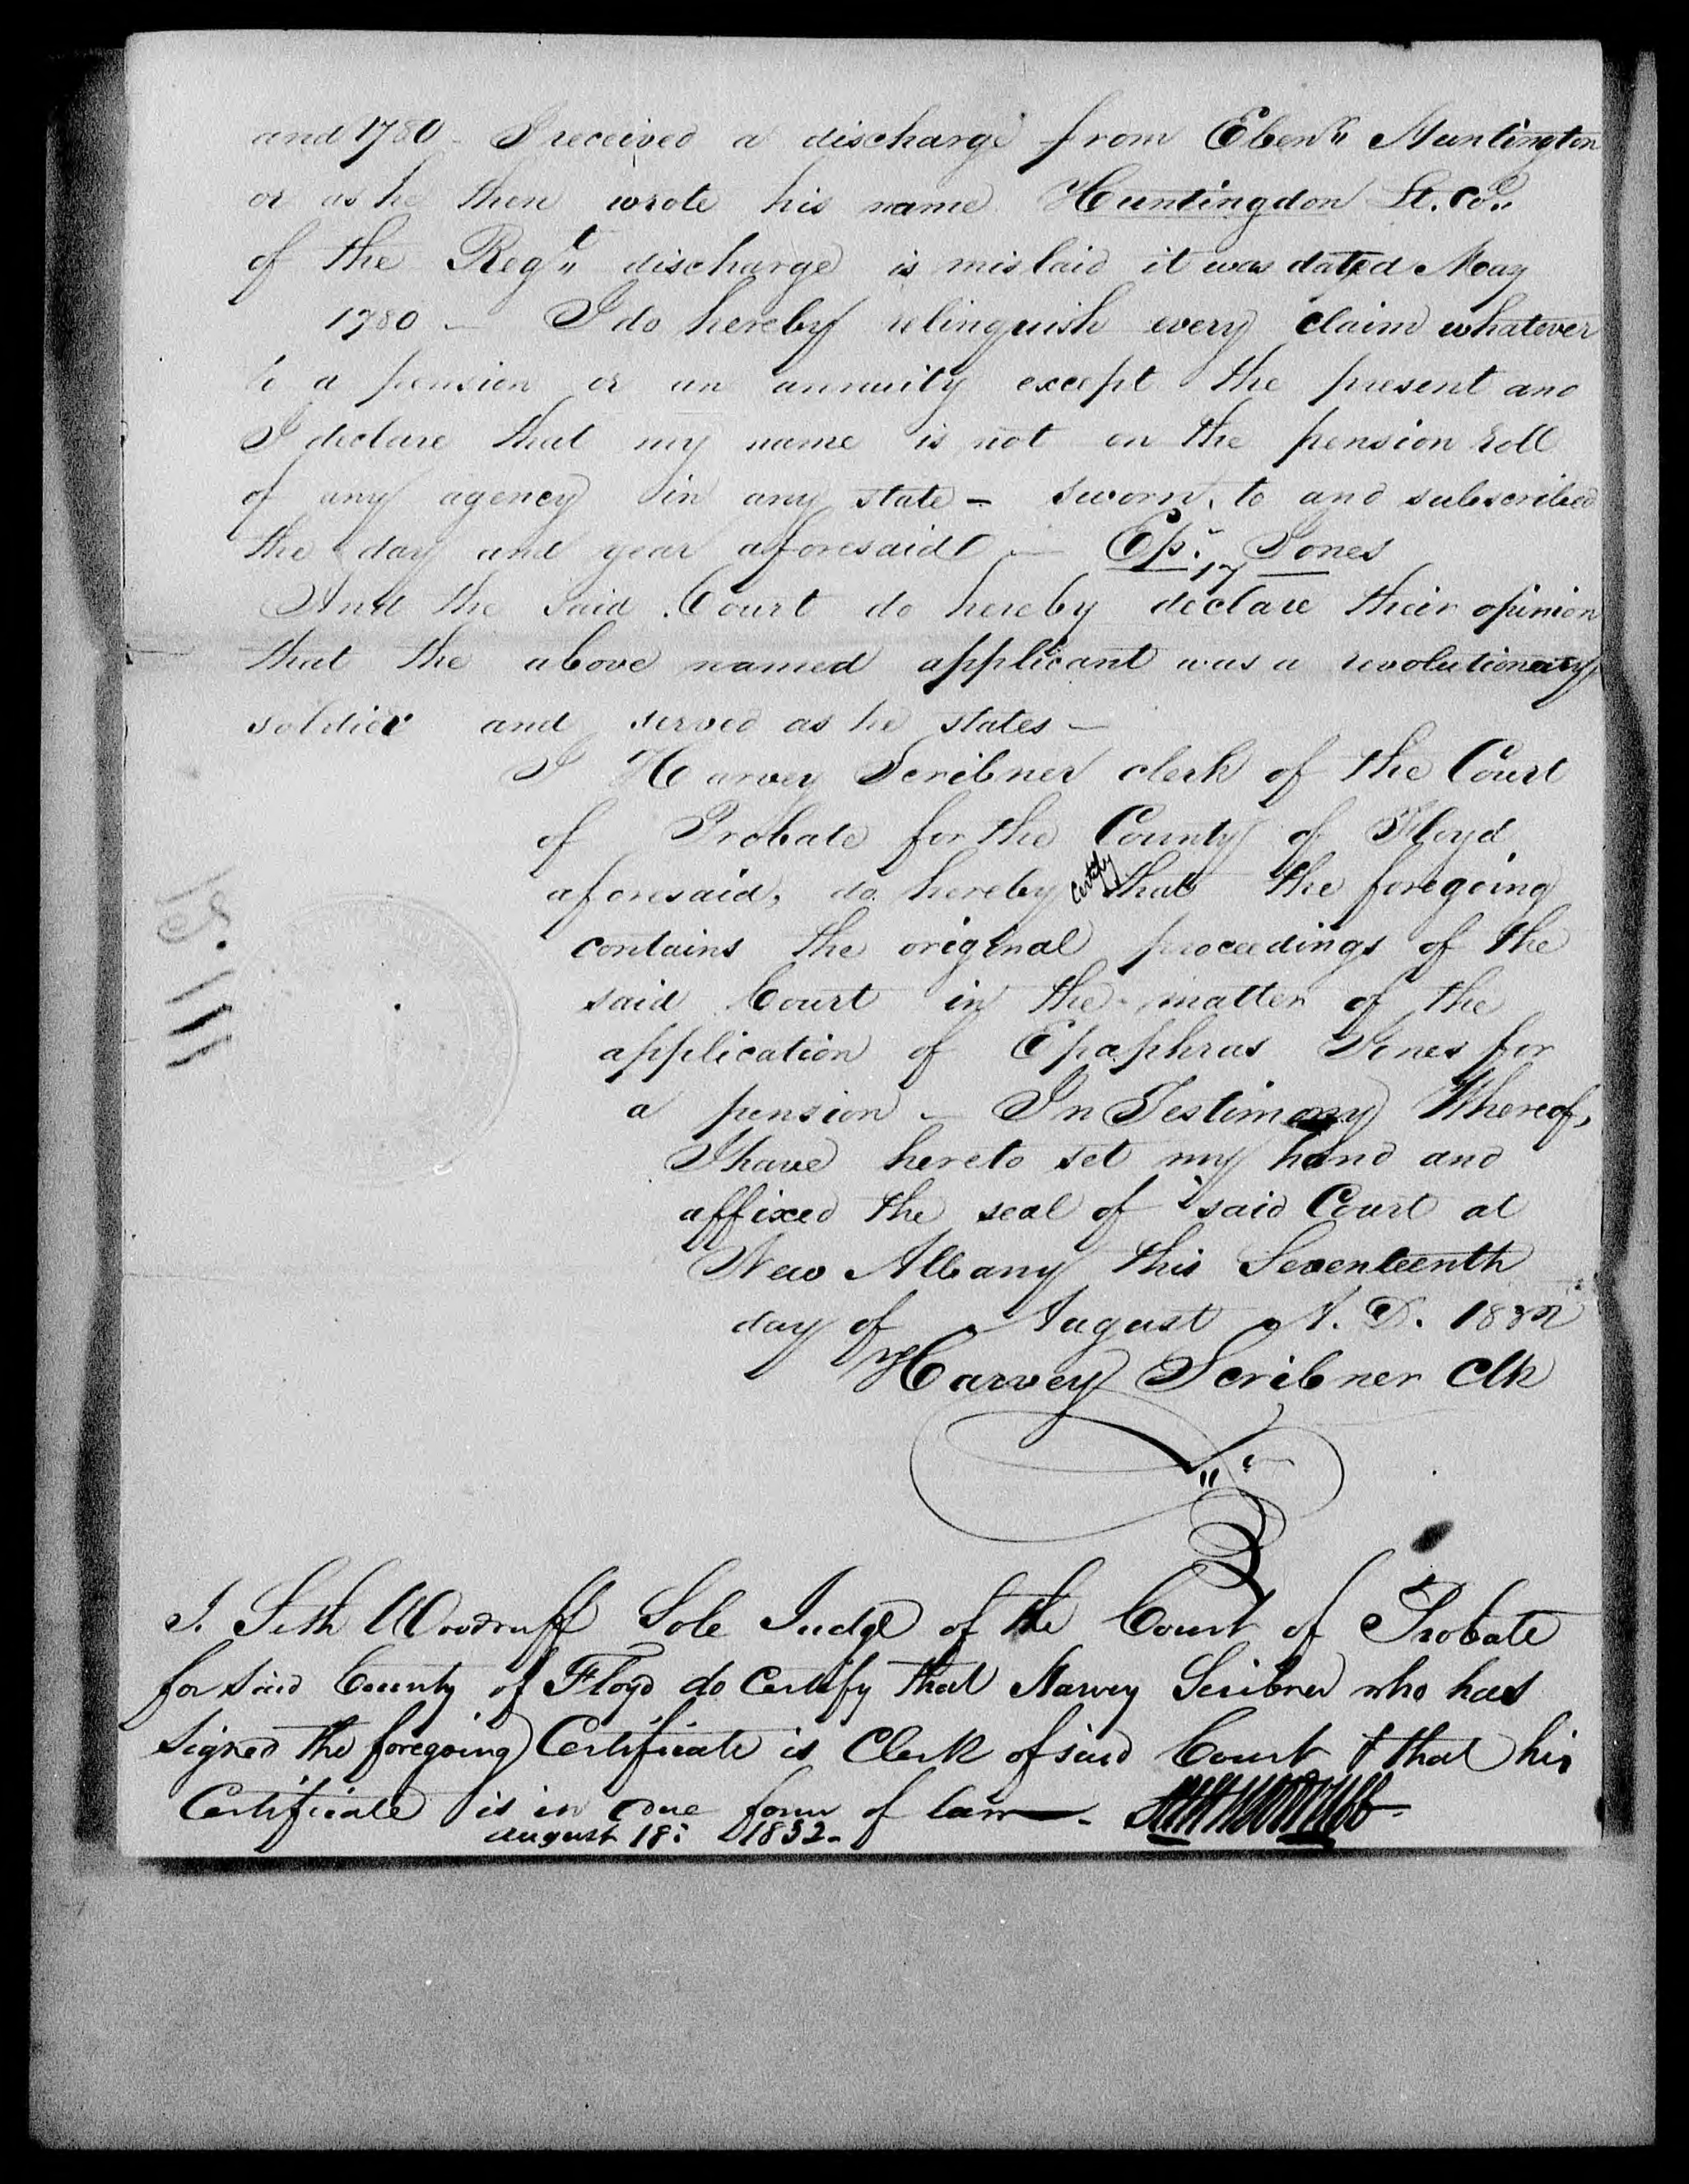and 1780. I received a discharge from Eben " Huntington, or as he then wrote his name Huntingdon Lt. Co.. of the Regt.  Discharge is mislaid. It was dated May 1780. I do hereby relinquish every claim whatever to a pension or an annuity except the present and I declare that my name is not on the pension roll of any agency in any state.  Sworn to and subscribed the day and year aforesaid.
Ep. Jones
 ---17---

And the said Court do hereby declare their opinion that the above named applicant was a revolutionary soldier and served as he states.
I, Harvey Scribner, clerk of the Court of Probate for the County of Floyd aforesaid, do hereby certify that the foregoing contains the original proceedings of the said Court in the matter of the application of Epaphras Jones for a pension. 

In Testimony whereof, I have hereto set my hand and affixed the seal of said Court at New Albany this Seventeenth day of August A.D. 1832        Harvey Scribner   Clk

I, Seth Woodruff, Sole Judge of the Court of Probate for said County of Floyd, do certify that Harvey Scribner who has signed the foregoing Certificate is Clerk of said Court & that his Certificate is in case form of law.  Seth Woodruff.
August 18th 1832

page: 8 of 17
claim: survivor's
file: S. 16889, for Epaphras Jones, Connecticut